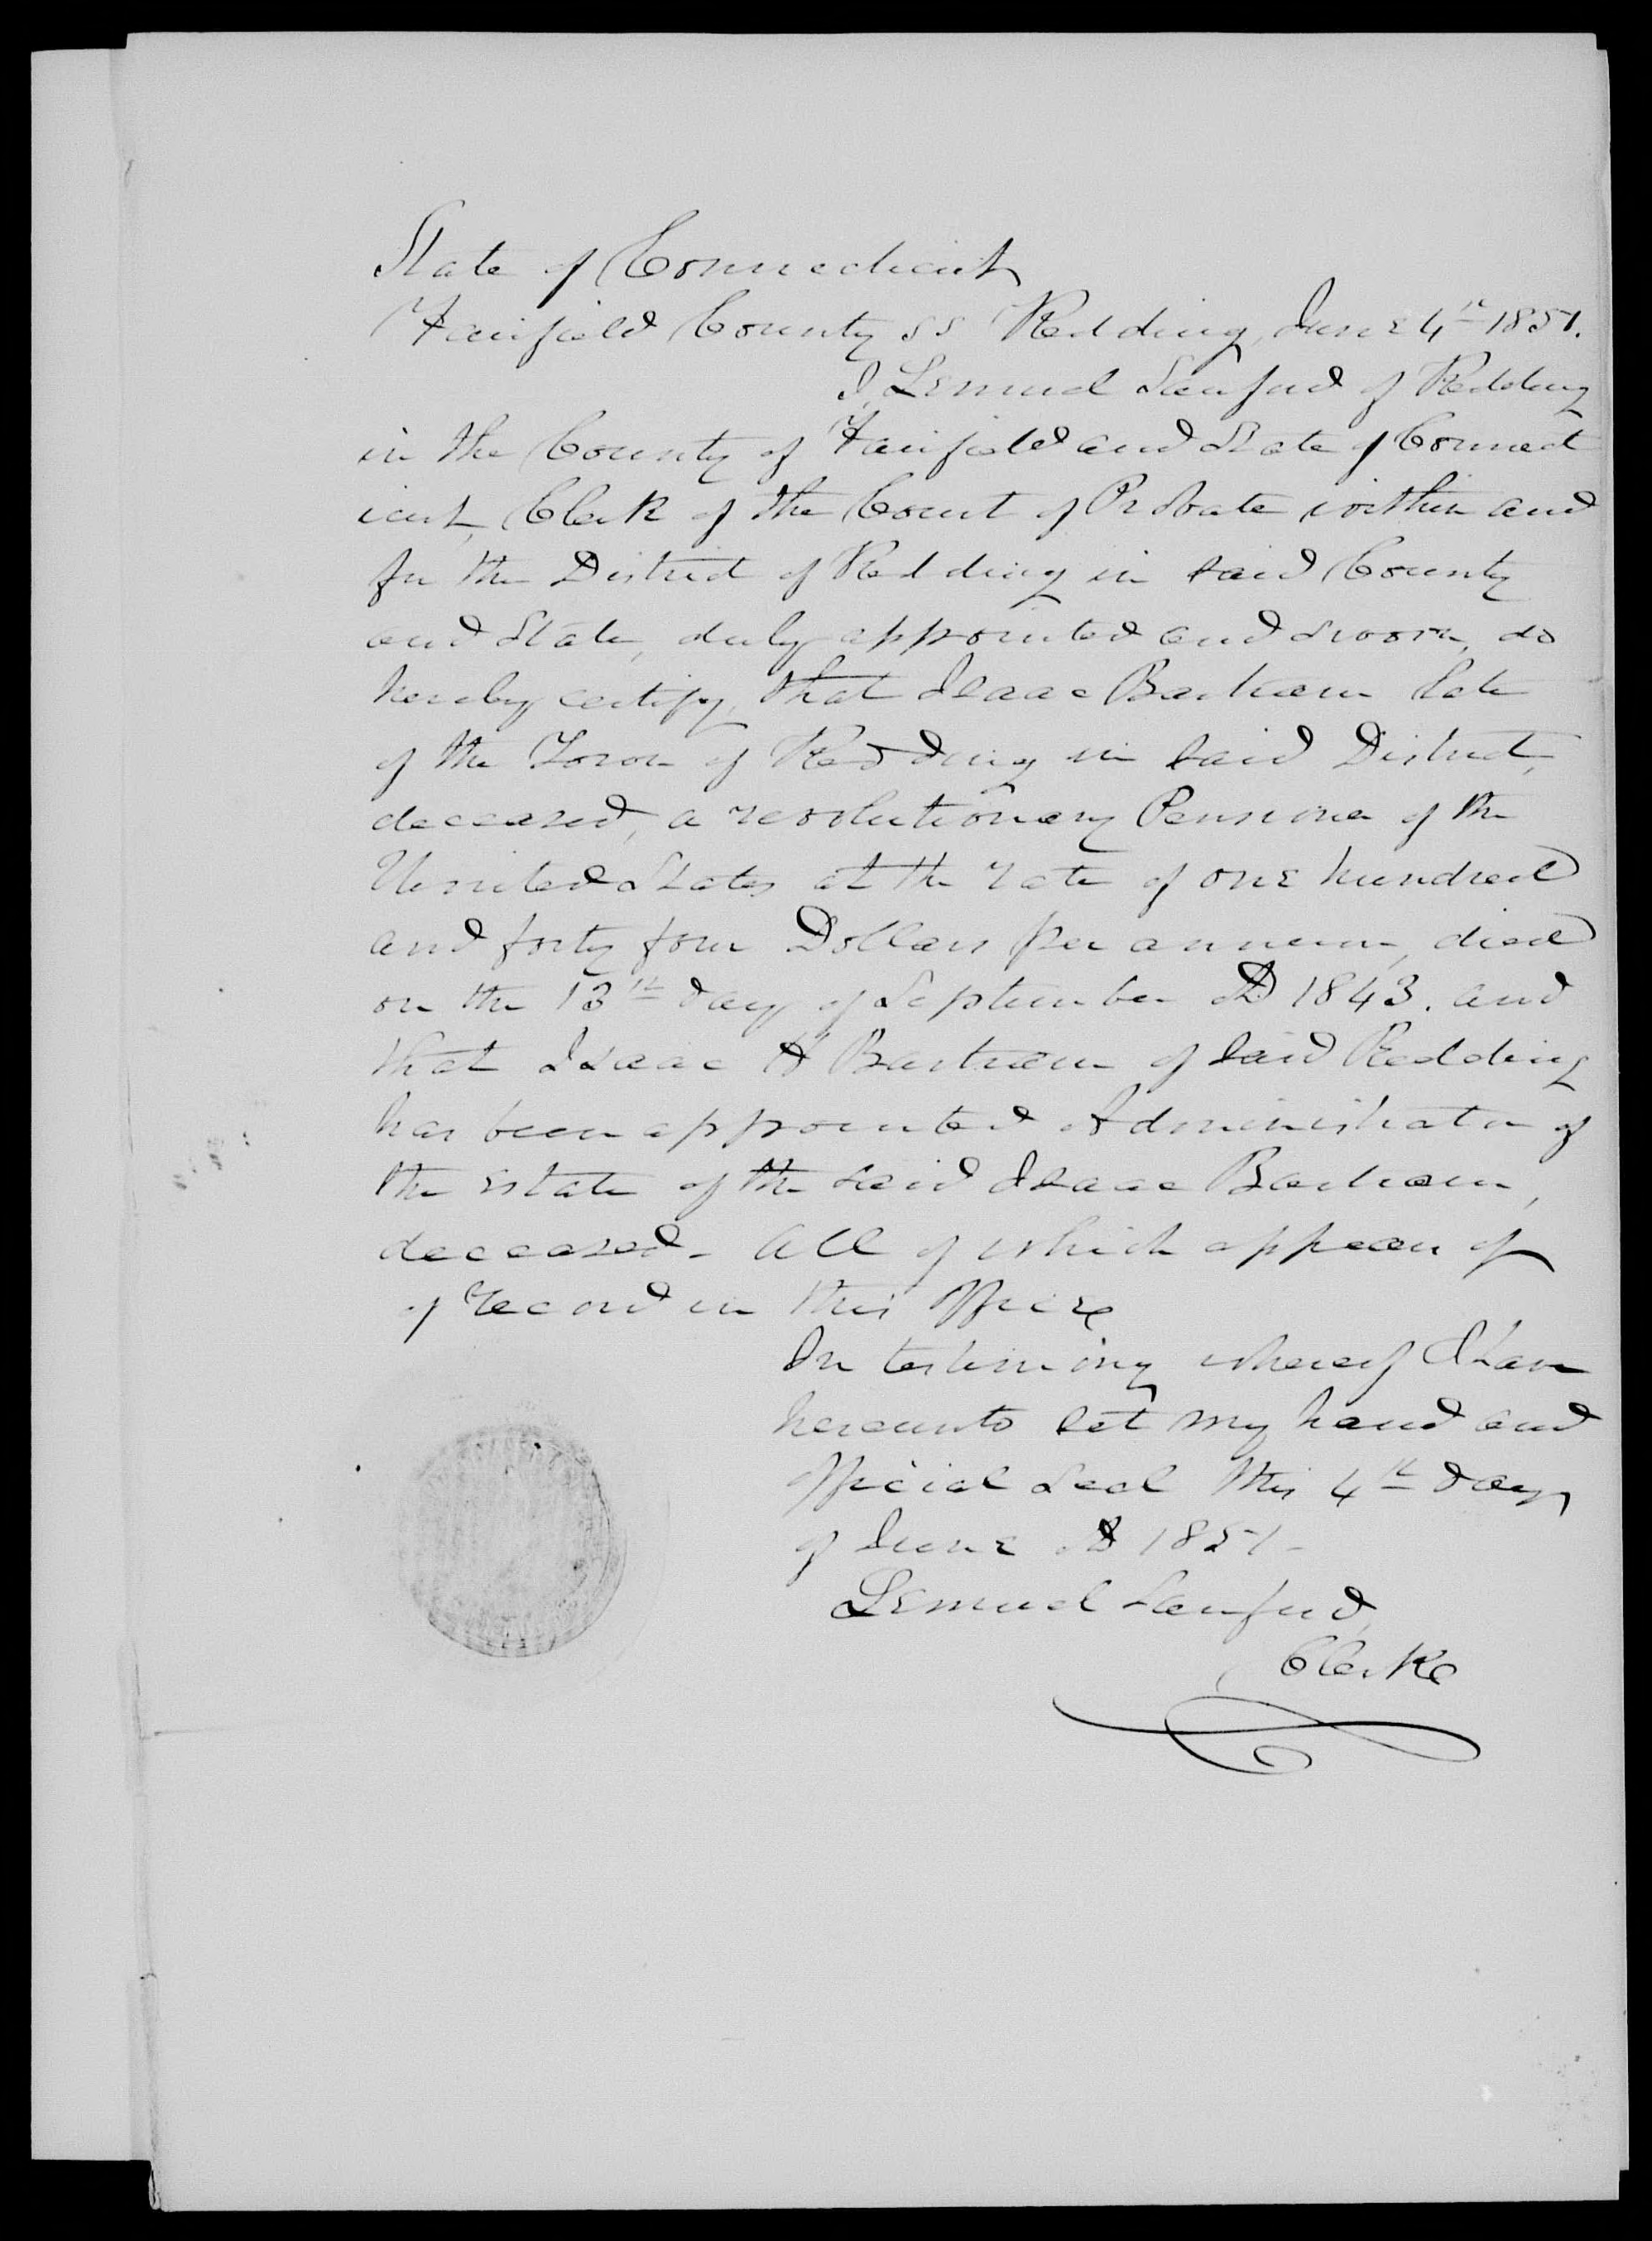State of Connecticut
Fairfield County SS Redding, June 4th 1851
I Lemuel Sanford of Redding
in the County of Fairfield and State of Connecticut
Clerk of the Court of Probate within and 
for the District of Redding in said County
and State duly appointed and sworn, do
hereby certify that Isaac Bartram late
of the Town of Redding in said District,
deceased, a revolutionary Pensioner of the
United States at the rate of one hundred
and forty four Dollars per annum died
on the 13th day of September AD 1843 and
that Isaac H Bartram of said Redding
has been appointed Administrator of
the Estate of the said Isaac Bartram
deceased. All of which appear of
of record in this office.

In testimony whereof I have
hereunto set my hand and
official seal this 4th day
of June AD 1851.
Lemuel Sanford
Clerk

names: Lemuel Sanford, Isaac Bartram, Isaac H Bartram, Lemuel Sanford, Isaac Bartram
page: 34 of 39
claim: survivor's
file: S. 12110, Isaac Bartram, Continental (Conn)